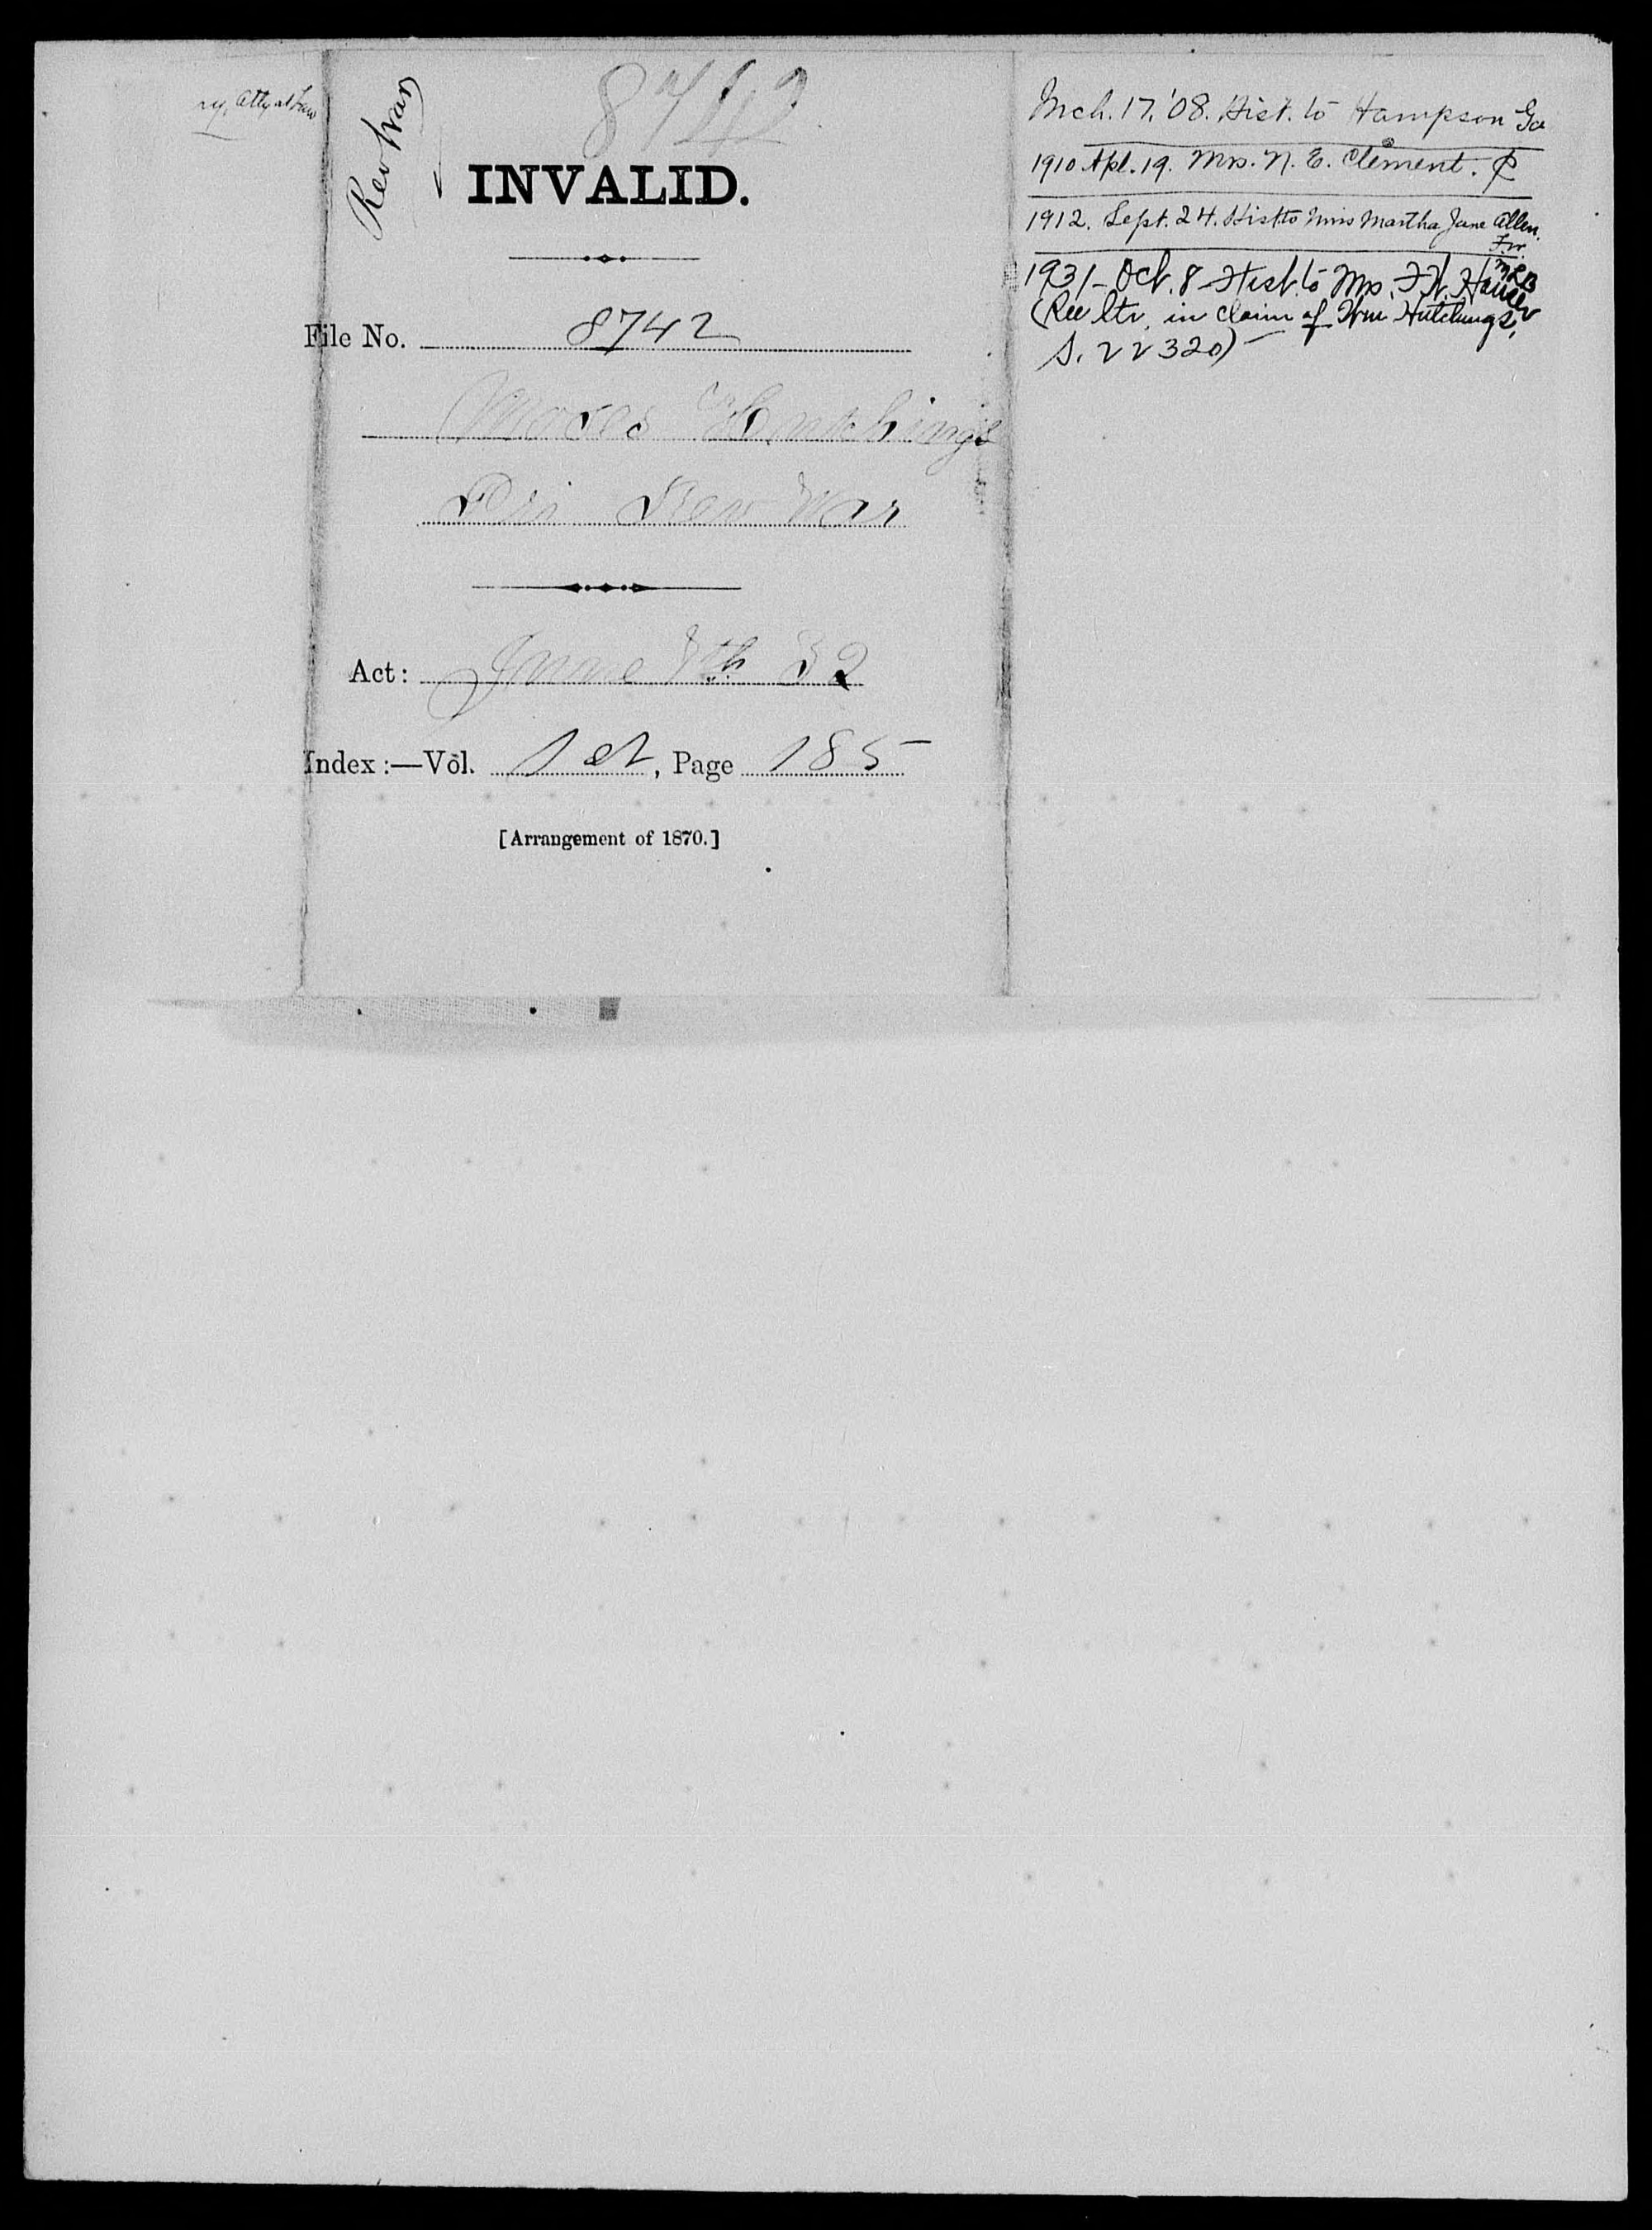[typed form, with handwritten responses]

[left side] 
8742

Revy War INVALID

File No. 8742

Moses Hutchings
Pri [Private] Rev War

Act: June 7th, 32
Index: - Vol. [Illegible], Page 185

[Arrangement of 1870.]

[right side] 
Mch. [March] 17, ‘08. Hist to Hampson Ga 
1910 Apl. 19. Mrs. N. E. Clement ¢
1912. Sept. 24. Hist. to Mrs. Martha Jane Allen
1931 - Oct. 8 Hist to Mrs. F. W. Hauser MLB 
(Rec Itr [received letter], in claim of Wm Hutchings, S.22320)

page: 8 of 18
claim: survivor's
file: S. 8742, for Moses Hutchings, Virginia